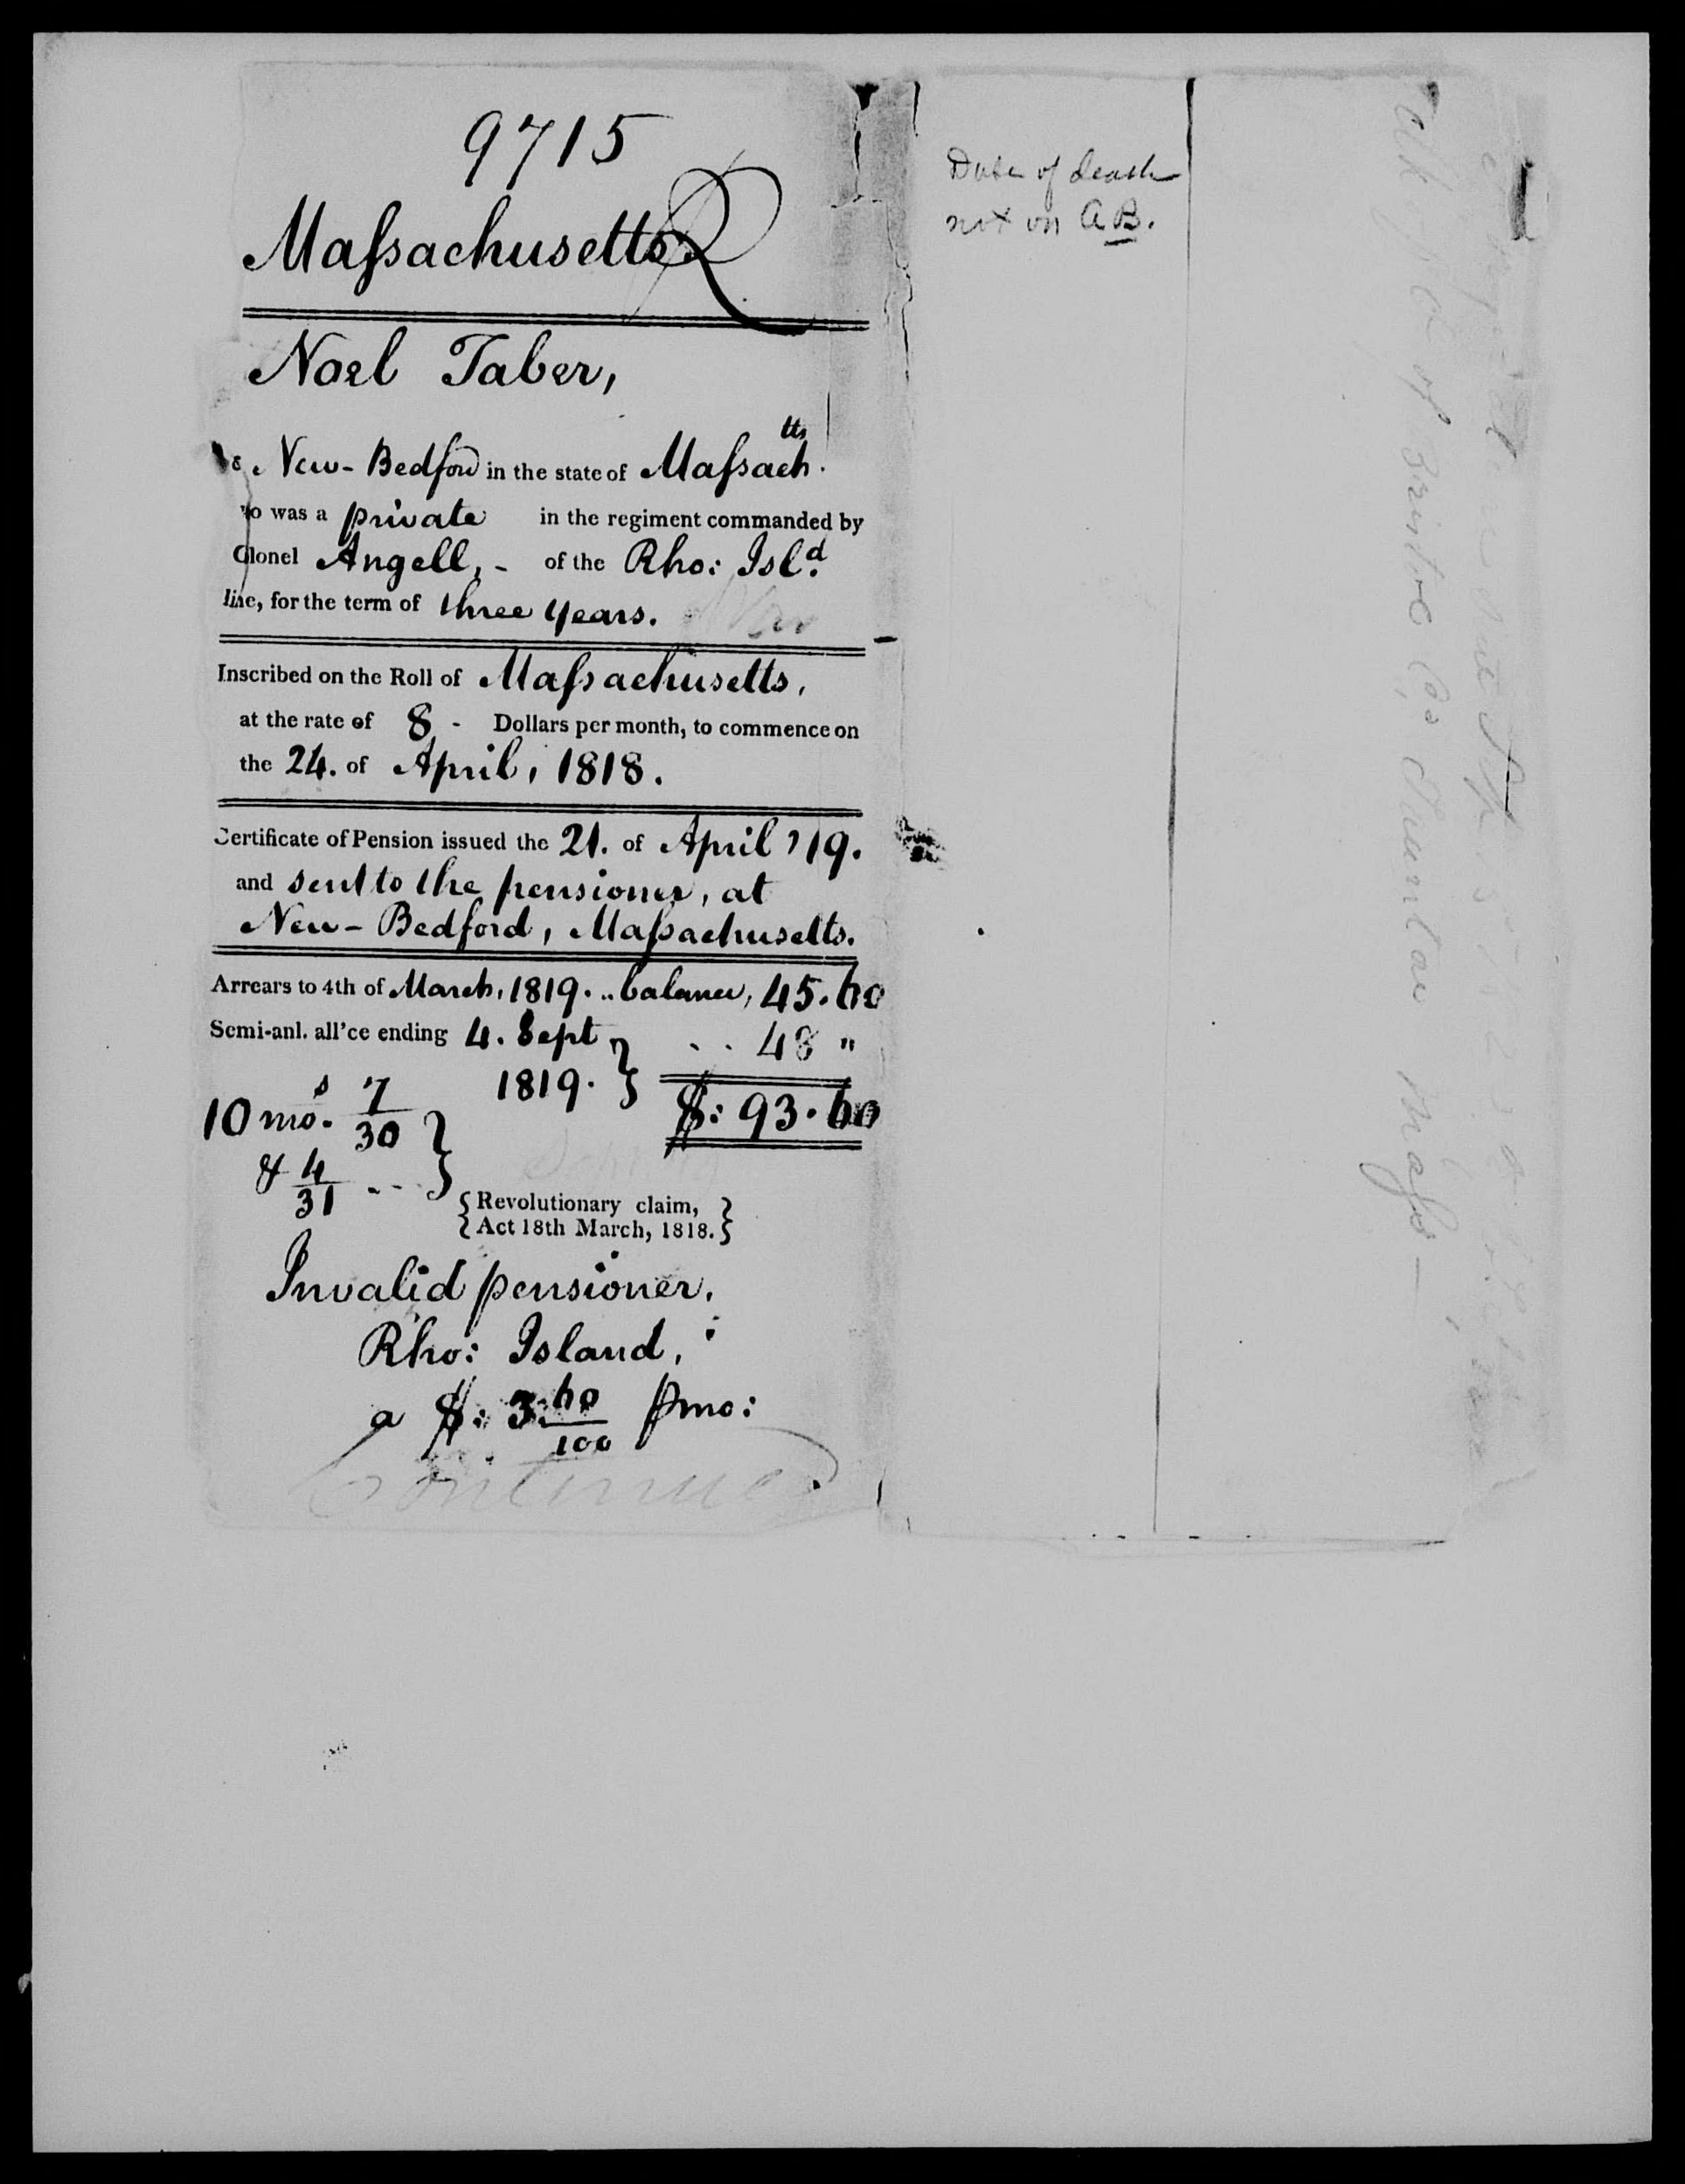9715
Massachusetts
Noel Taber,
New Bedford in the state of Massachusetts
[illegible] was a private in the regiment commanded by Colonel Angell of the Rho. Isld.
line for the term of three years.
Inscribed on the Roll of Massachusetts,
at the rate 8 Dollars per month, to commence on
the 24 of Spril, 1818.
Certificate of Pension issued the 21 of April 19
and sent to the pensions, at
New Bedford, Massachusetts.
Arrears to 4th of March, 1819 in balance, 45.00
Semiant all'ce ending 4 Sept 1819 
45.00 48.00 93.00
10 mo $7/30
[illegible] 4/31 Revolutionary claim,
Act 18th March, 1818
Invalid pensionser,
Rho. Island,
a $ 3.00 pmo:/100
Continued
Date of death
not on A B.
[2 lines on side of document to faint to read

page: 2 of 22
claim: survivor's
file: S 33777, for Noel Taber, Rhode Island